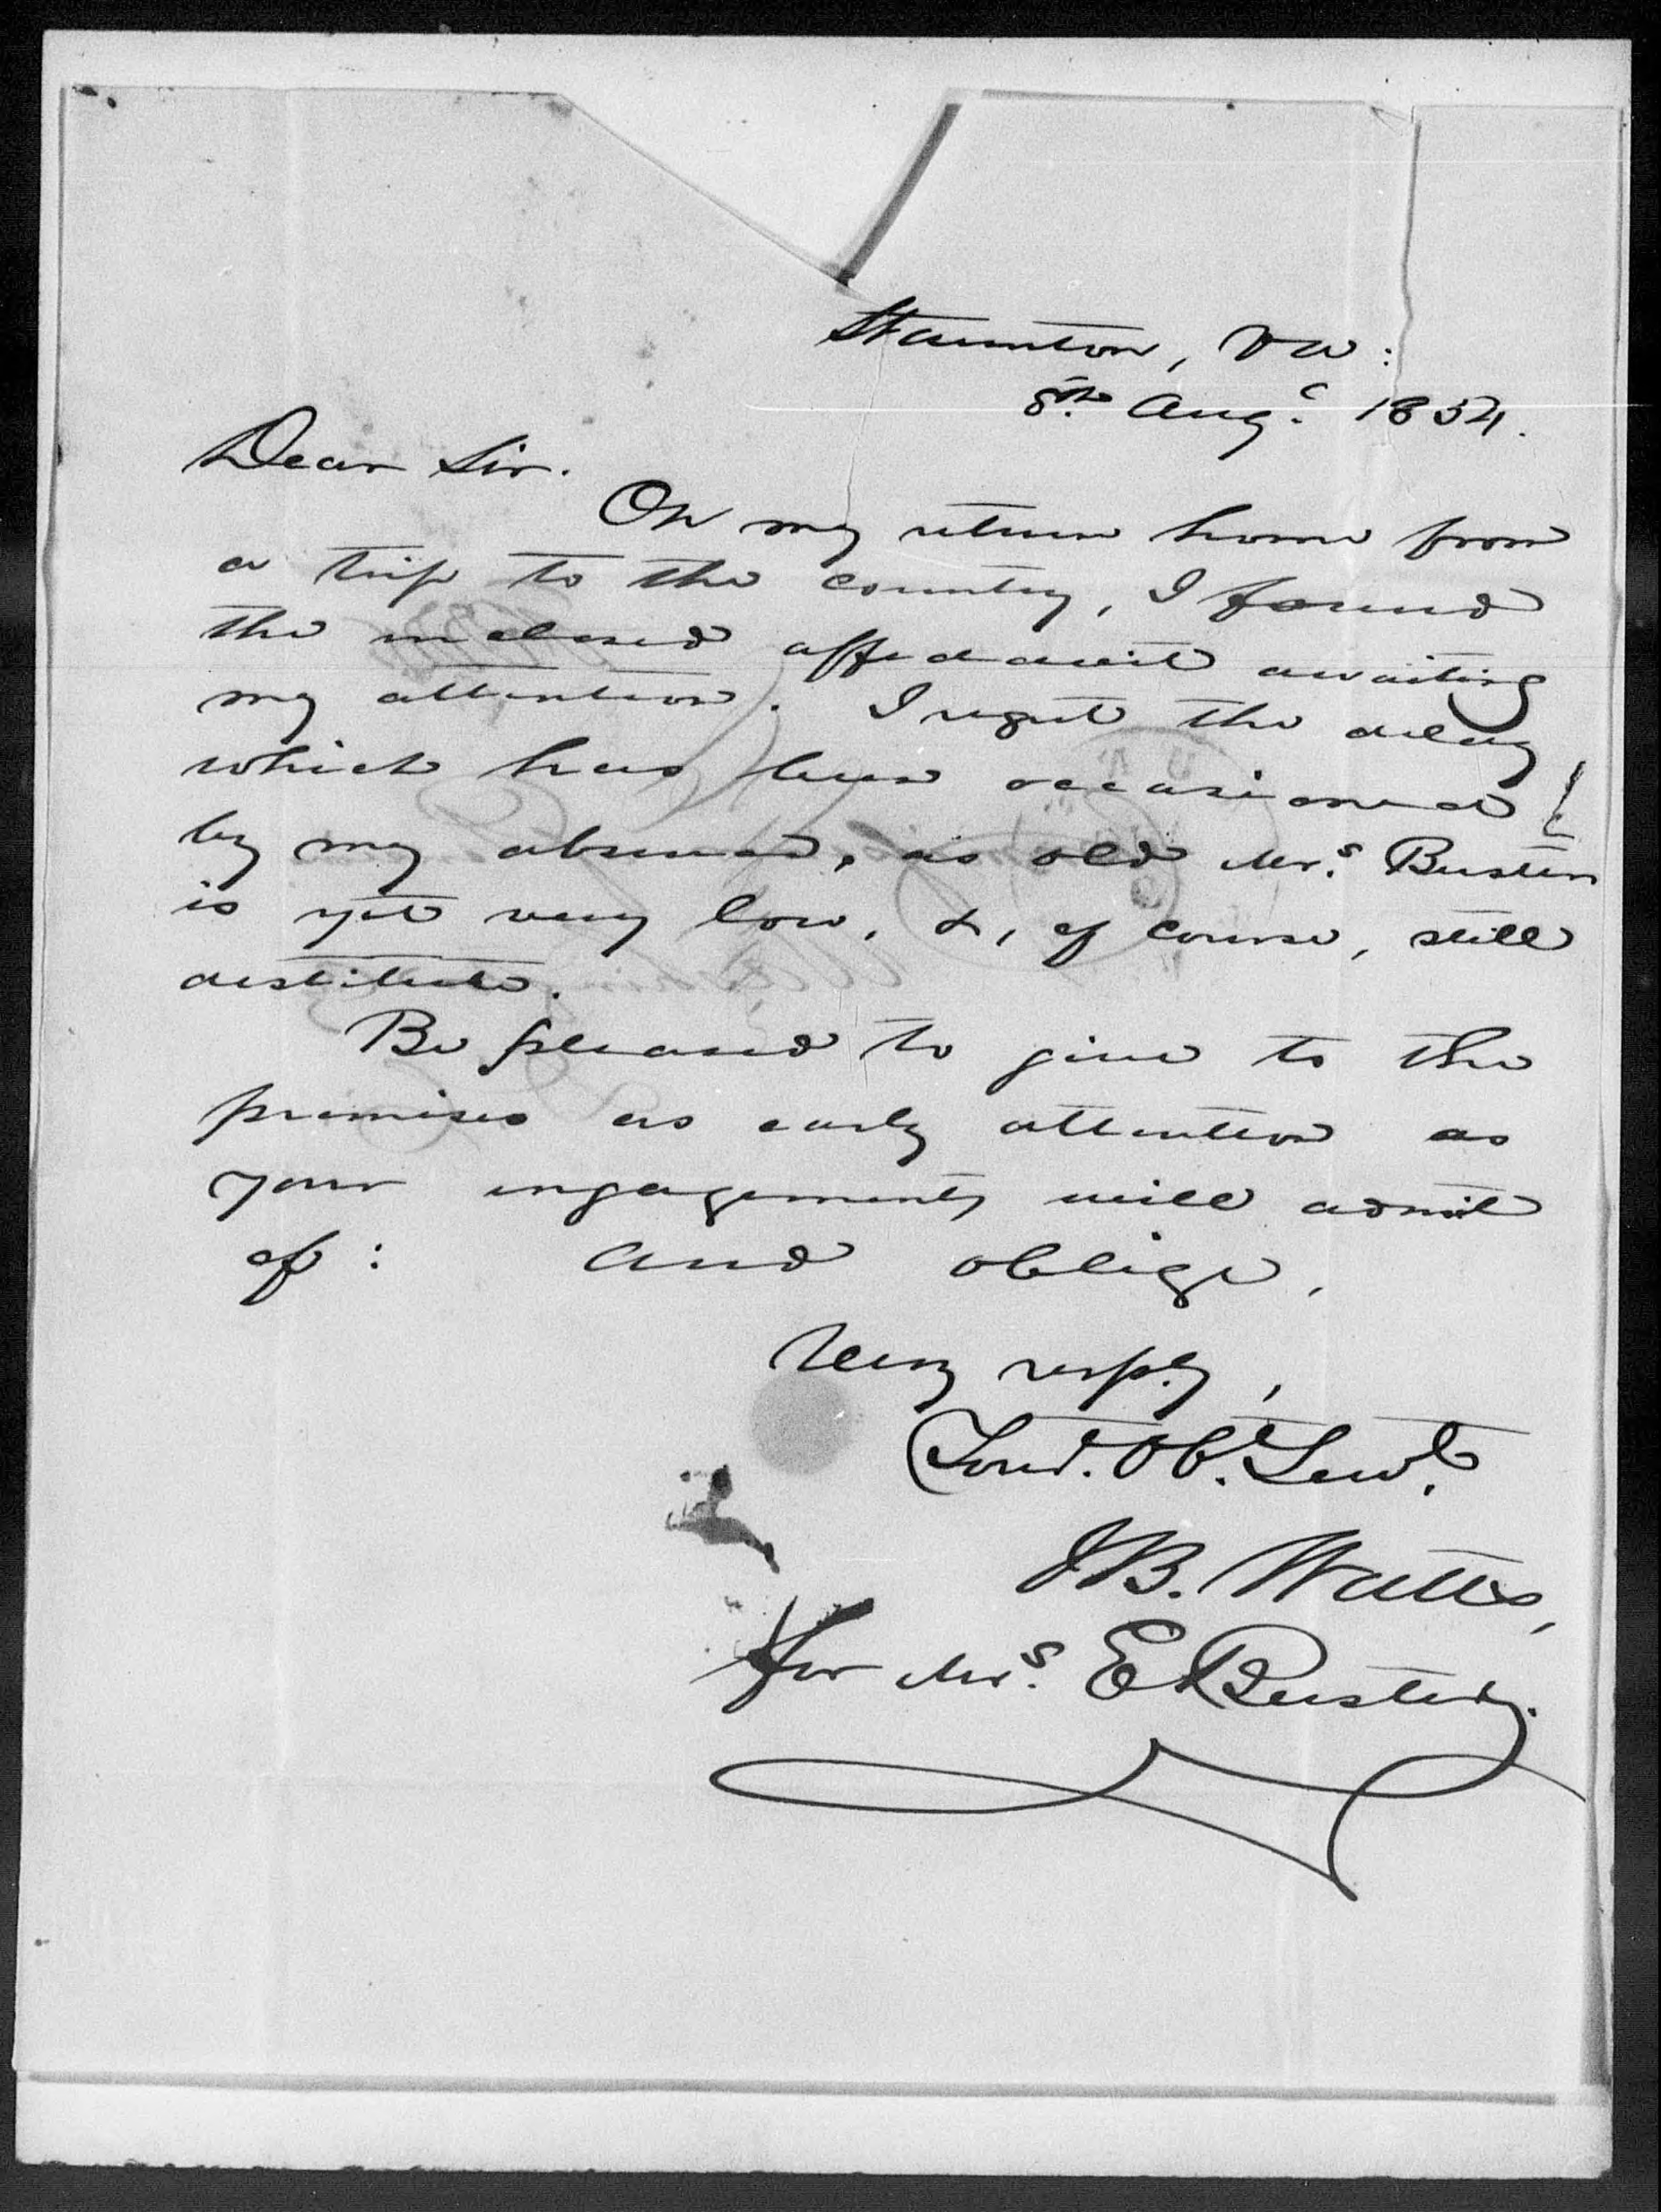Staunton, Va:
8th Aug 1854.

Dear Sir.

On my return home from a trip to the country, I found the enclosed affidavit awaiting my attention. I regret the delay which has been occasioned by my absence, as old Mrs Buster is yet very low, &, of course, still destitute.

Be pleased to give to the premises as early attention as your engagements will admit of: and oblige.

very resp.y,
Your ob. Sev.t
J B Watts,
for Mrs E Buster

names: E Buster, Buster, J B Watts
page: 30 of 71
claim: widow's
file: W. 25310, Claudius Buster, Va.